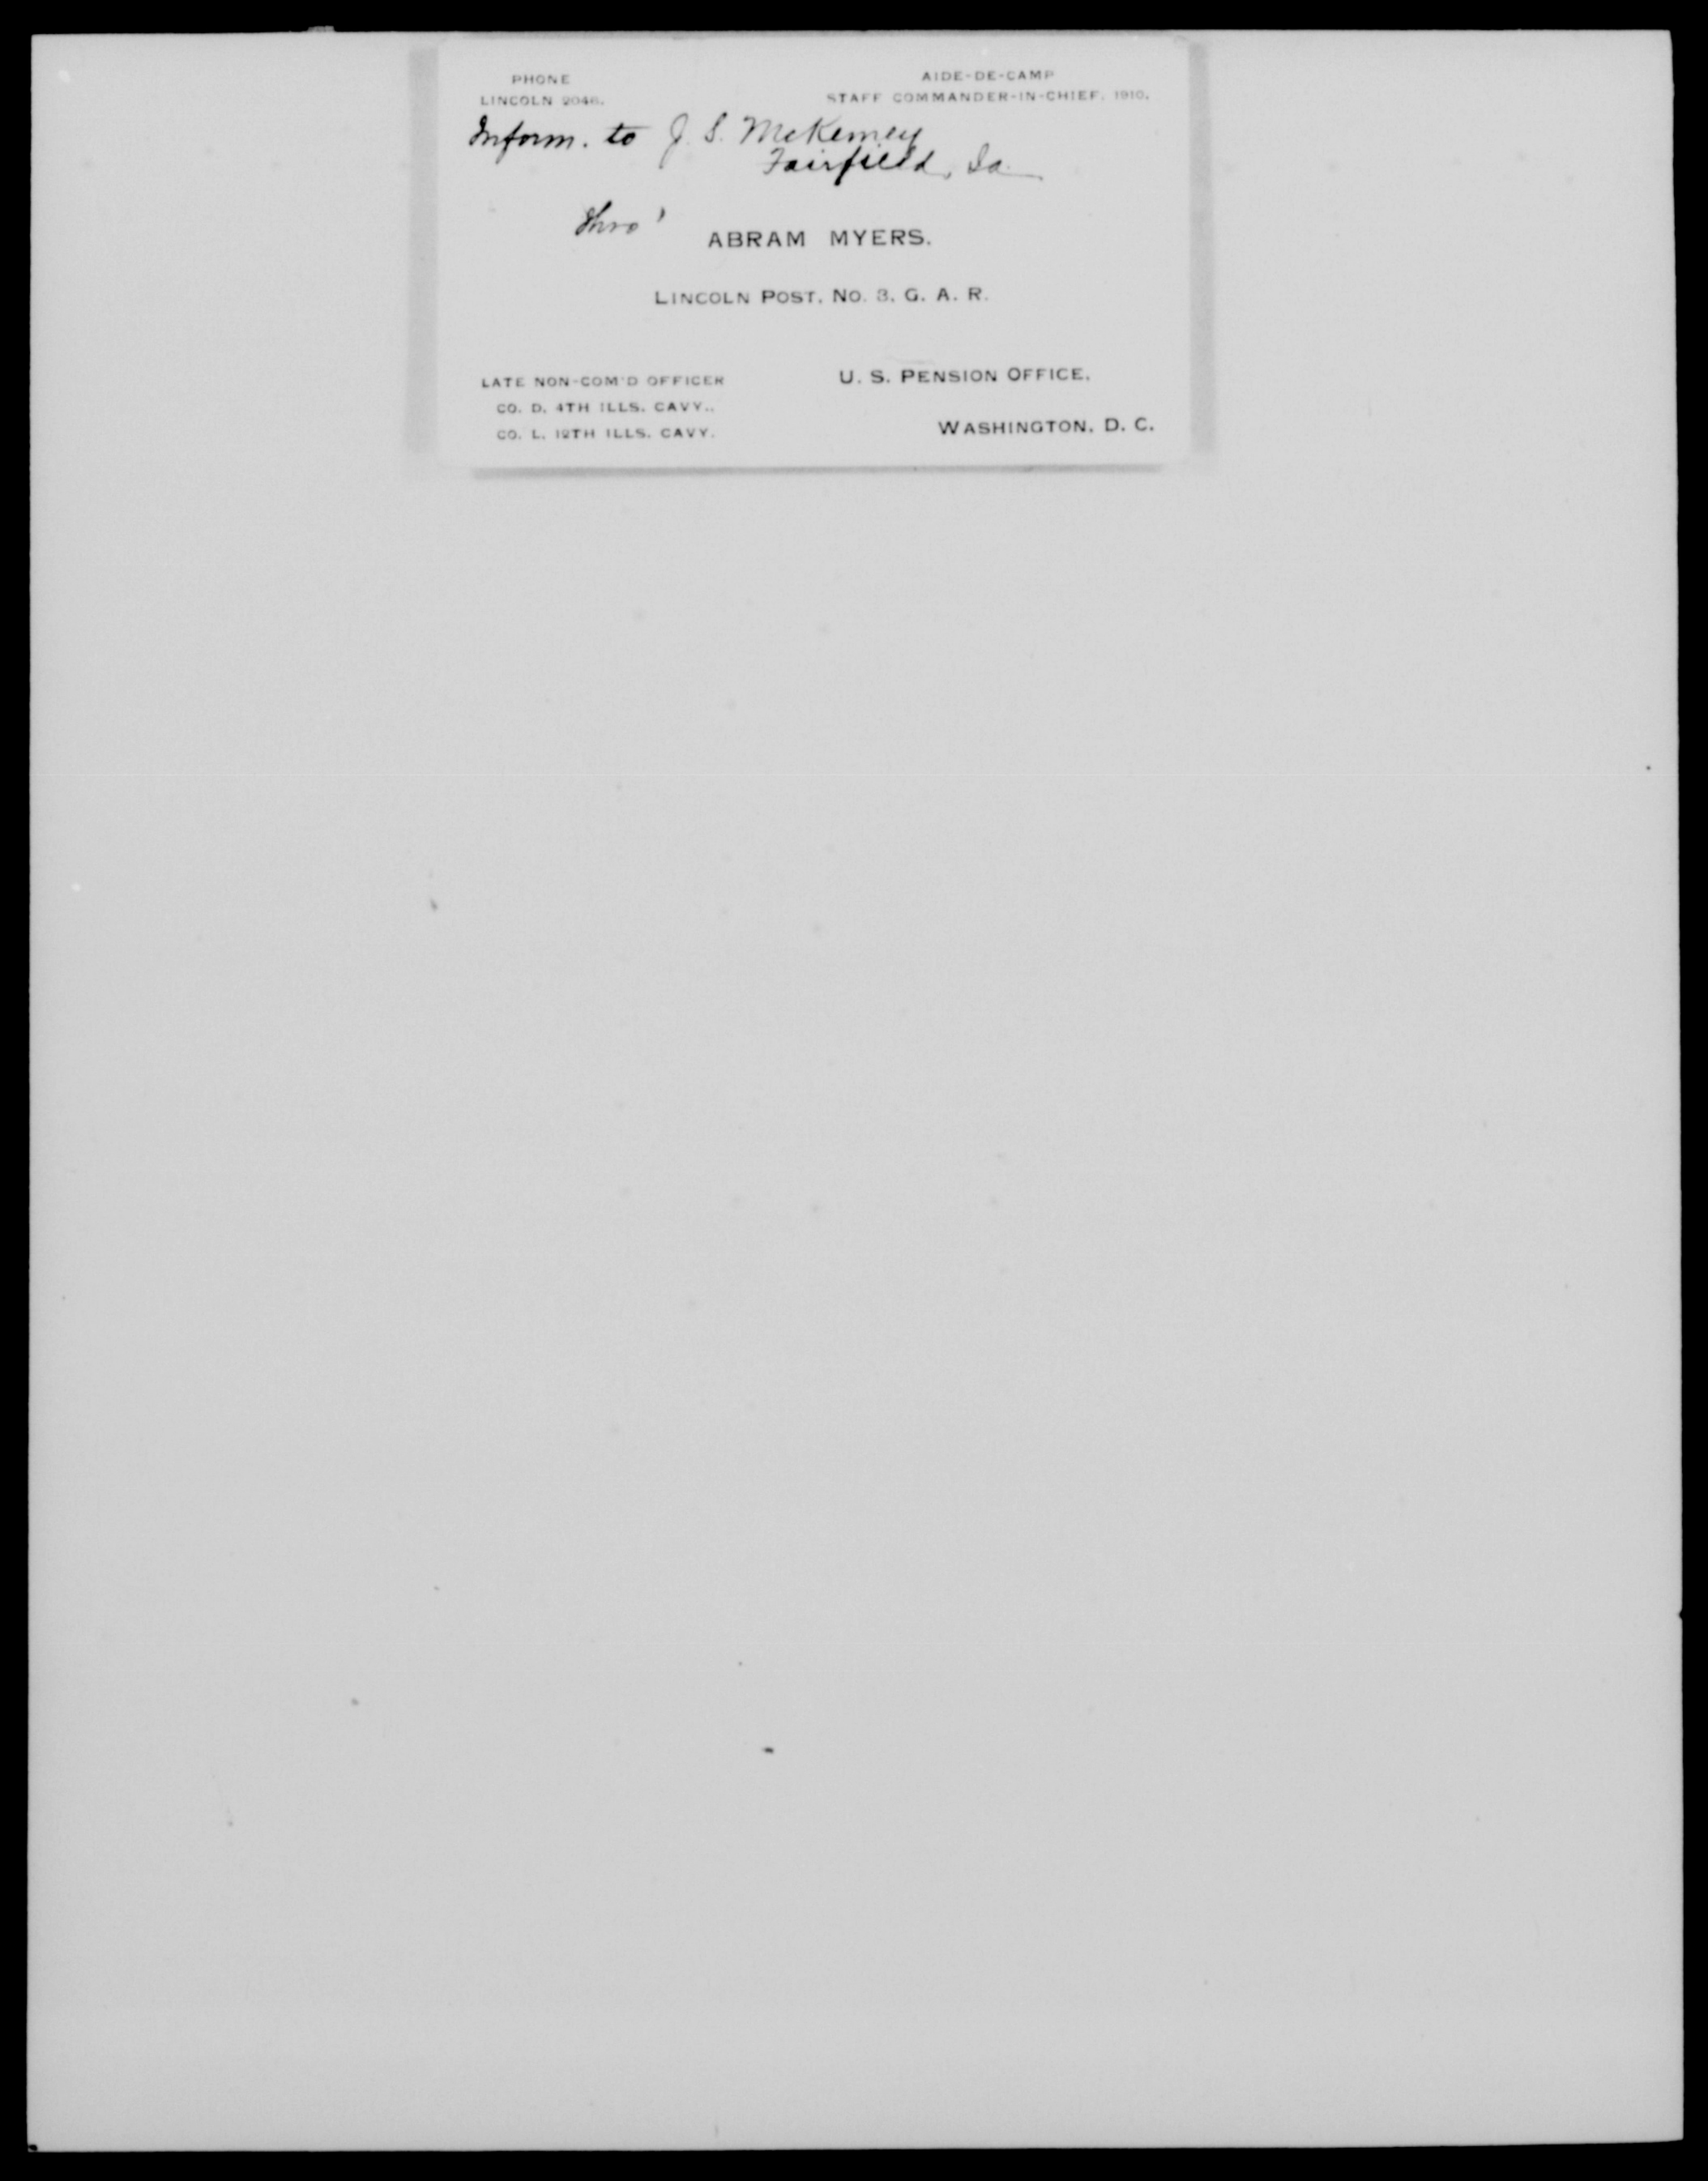PHONE LINCOLN 2046. 
AIDE-ON-CAME STAFF COMMANDER-IN-CHIEF 1910.
Inform to  J. S. McKemey Fairfield, Ia.  
Thro ABRAM MYERS. LINCOLN POST. NO. 3. G. A. R. 
LATE NON COND OFFICER CO. D. 4TH ILLS. CAVY. 
C. L. 19th ILLS. CAVY. 
U. S. PENSION OFFICE, 
WASHINGTON, D. C.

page: 35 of 36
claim: survivor's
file: S. 10,004, for Seely Scofield, Connecticut